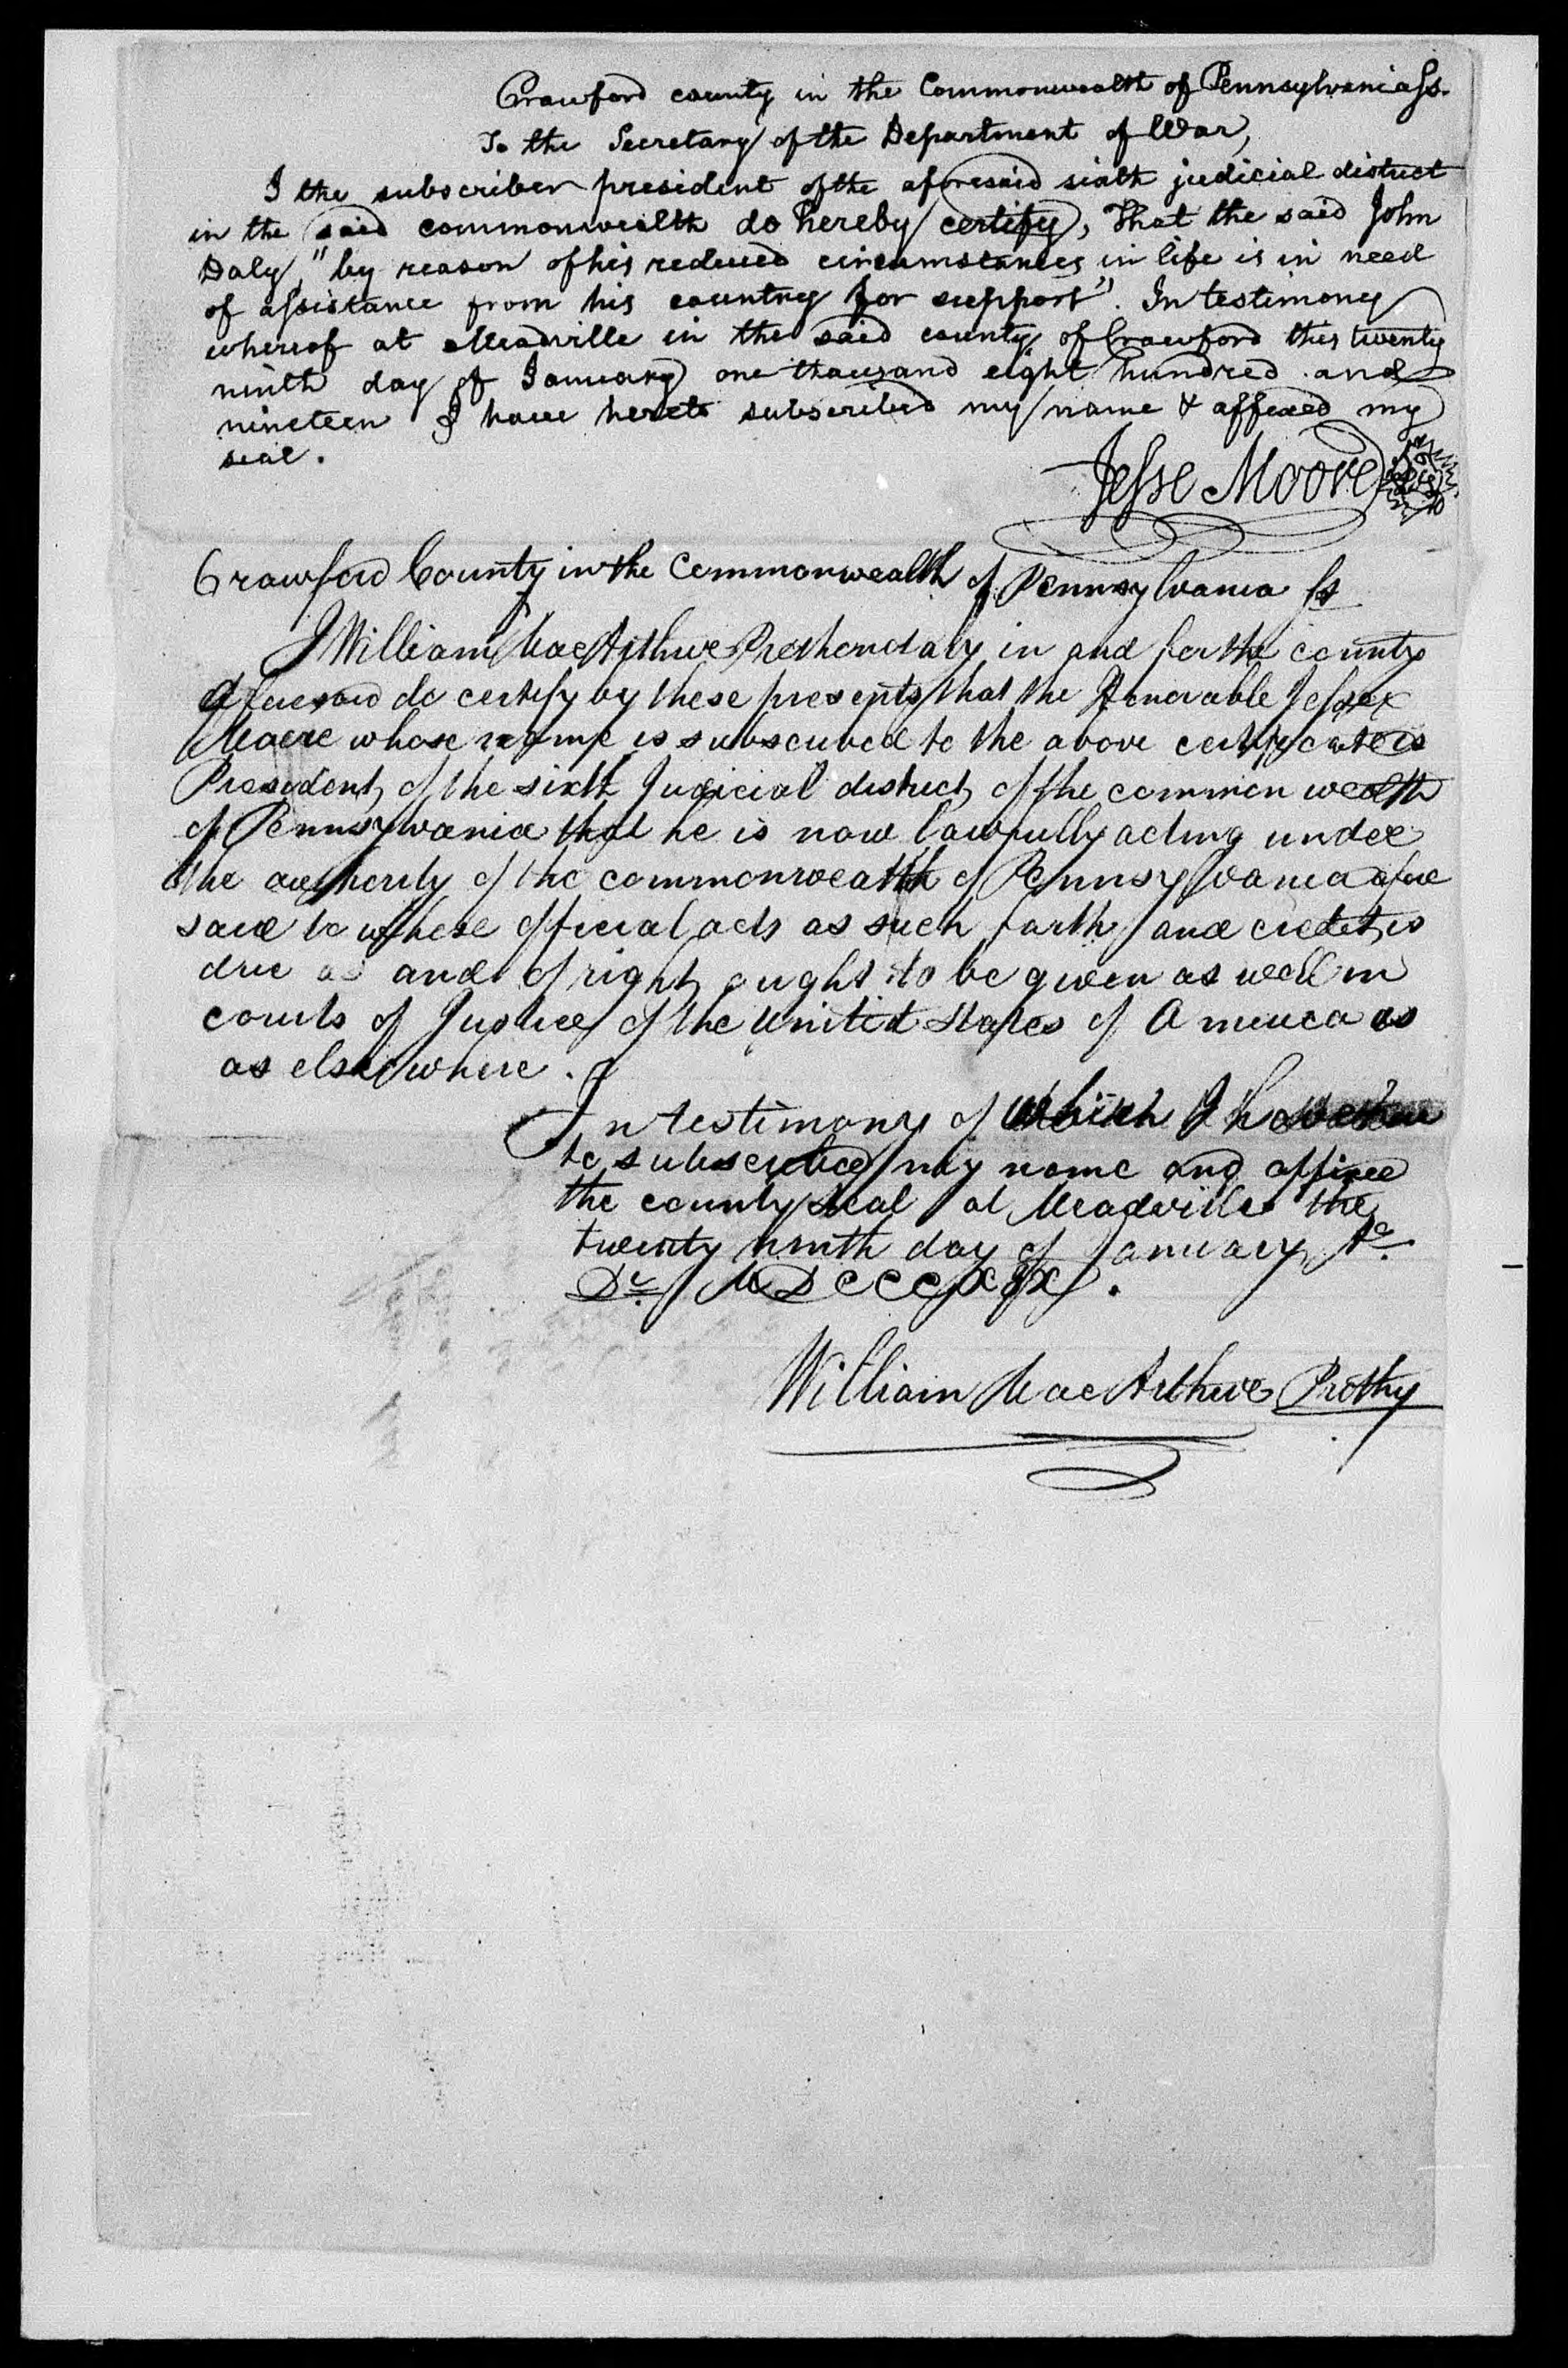Crawford County in the Commonwealth of Pennsylvania Ss.
To the Secretary of the Department of War,
I the subscriber president of the aforesaid sixth judicial district
in the said commonwealth do hereby certify, That the said John
Daly, "by reason of his reduced circumstances in life is in need
of assistance from his country for support". In testimony
whereof at Meadville in the said County of Crawford this twenty
ninth day of January one thousand eight hundred and
nineteen I have hereto subscribed my name & affixed my
seal.
Jesse Moore
Crawford County in the Commonwealth of Pennsylvania Ss
I William MacArthur Prothonotary in and for the county
aforesaid do certify by these presents that the Honorable Jesse
Moore whose name is subscribed to the above certificate is
President, of the sixth Judicial district, of the common wealth
of Pennsylvania that he is now lawfully acting under 
the authority of the commonwealth of Pennsylvania aforesaid
to whose official acts as such faith and credit is
due as and of right ought to be given as well in
courts of Justice of the United States of America as
as elsewhere.
In testimony of which I have [illegible]
to subscribed my name and affixed
the county seal at Meadville the
twenty ninth day of January A. D.
MDCCCXIX.
William MacArther Prothy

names: William Mac Arthur, John Daly, Jesse Moore, William Mac Arthur, Jesse Moore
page: 26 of 63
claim: widow's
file: W. 3228, John Daly, Penn.